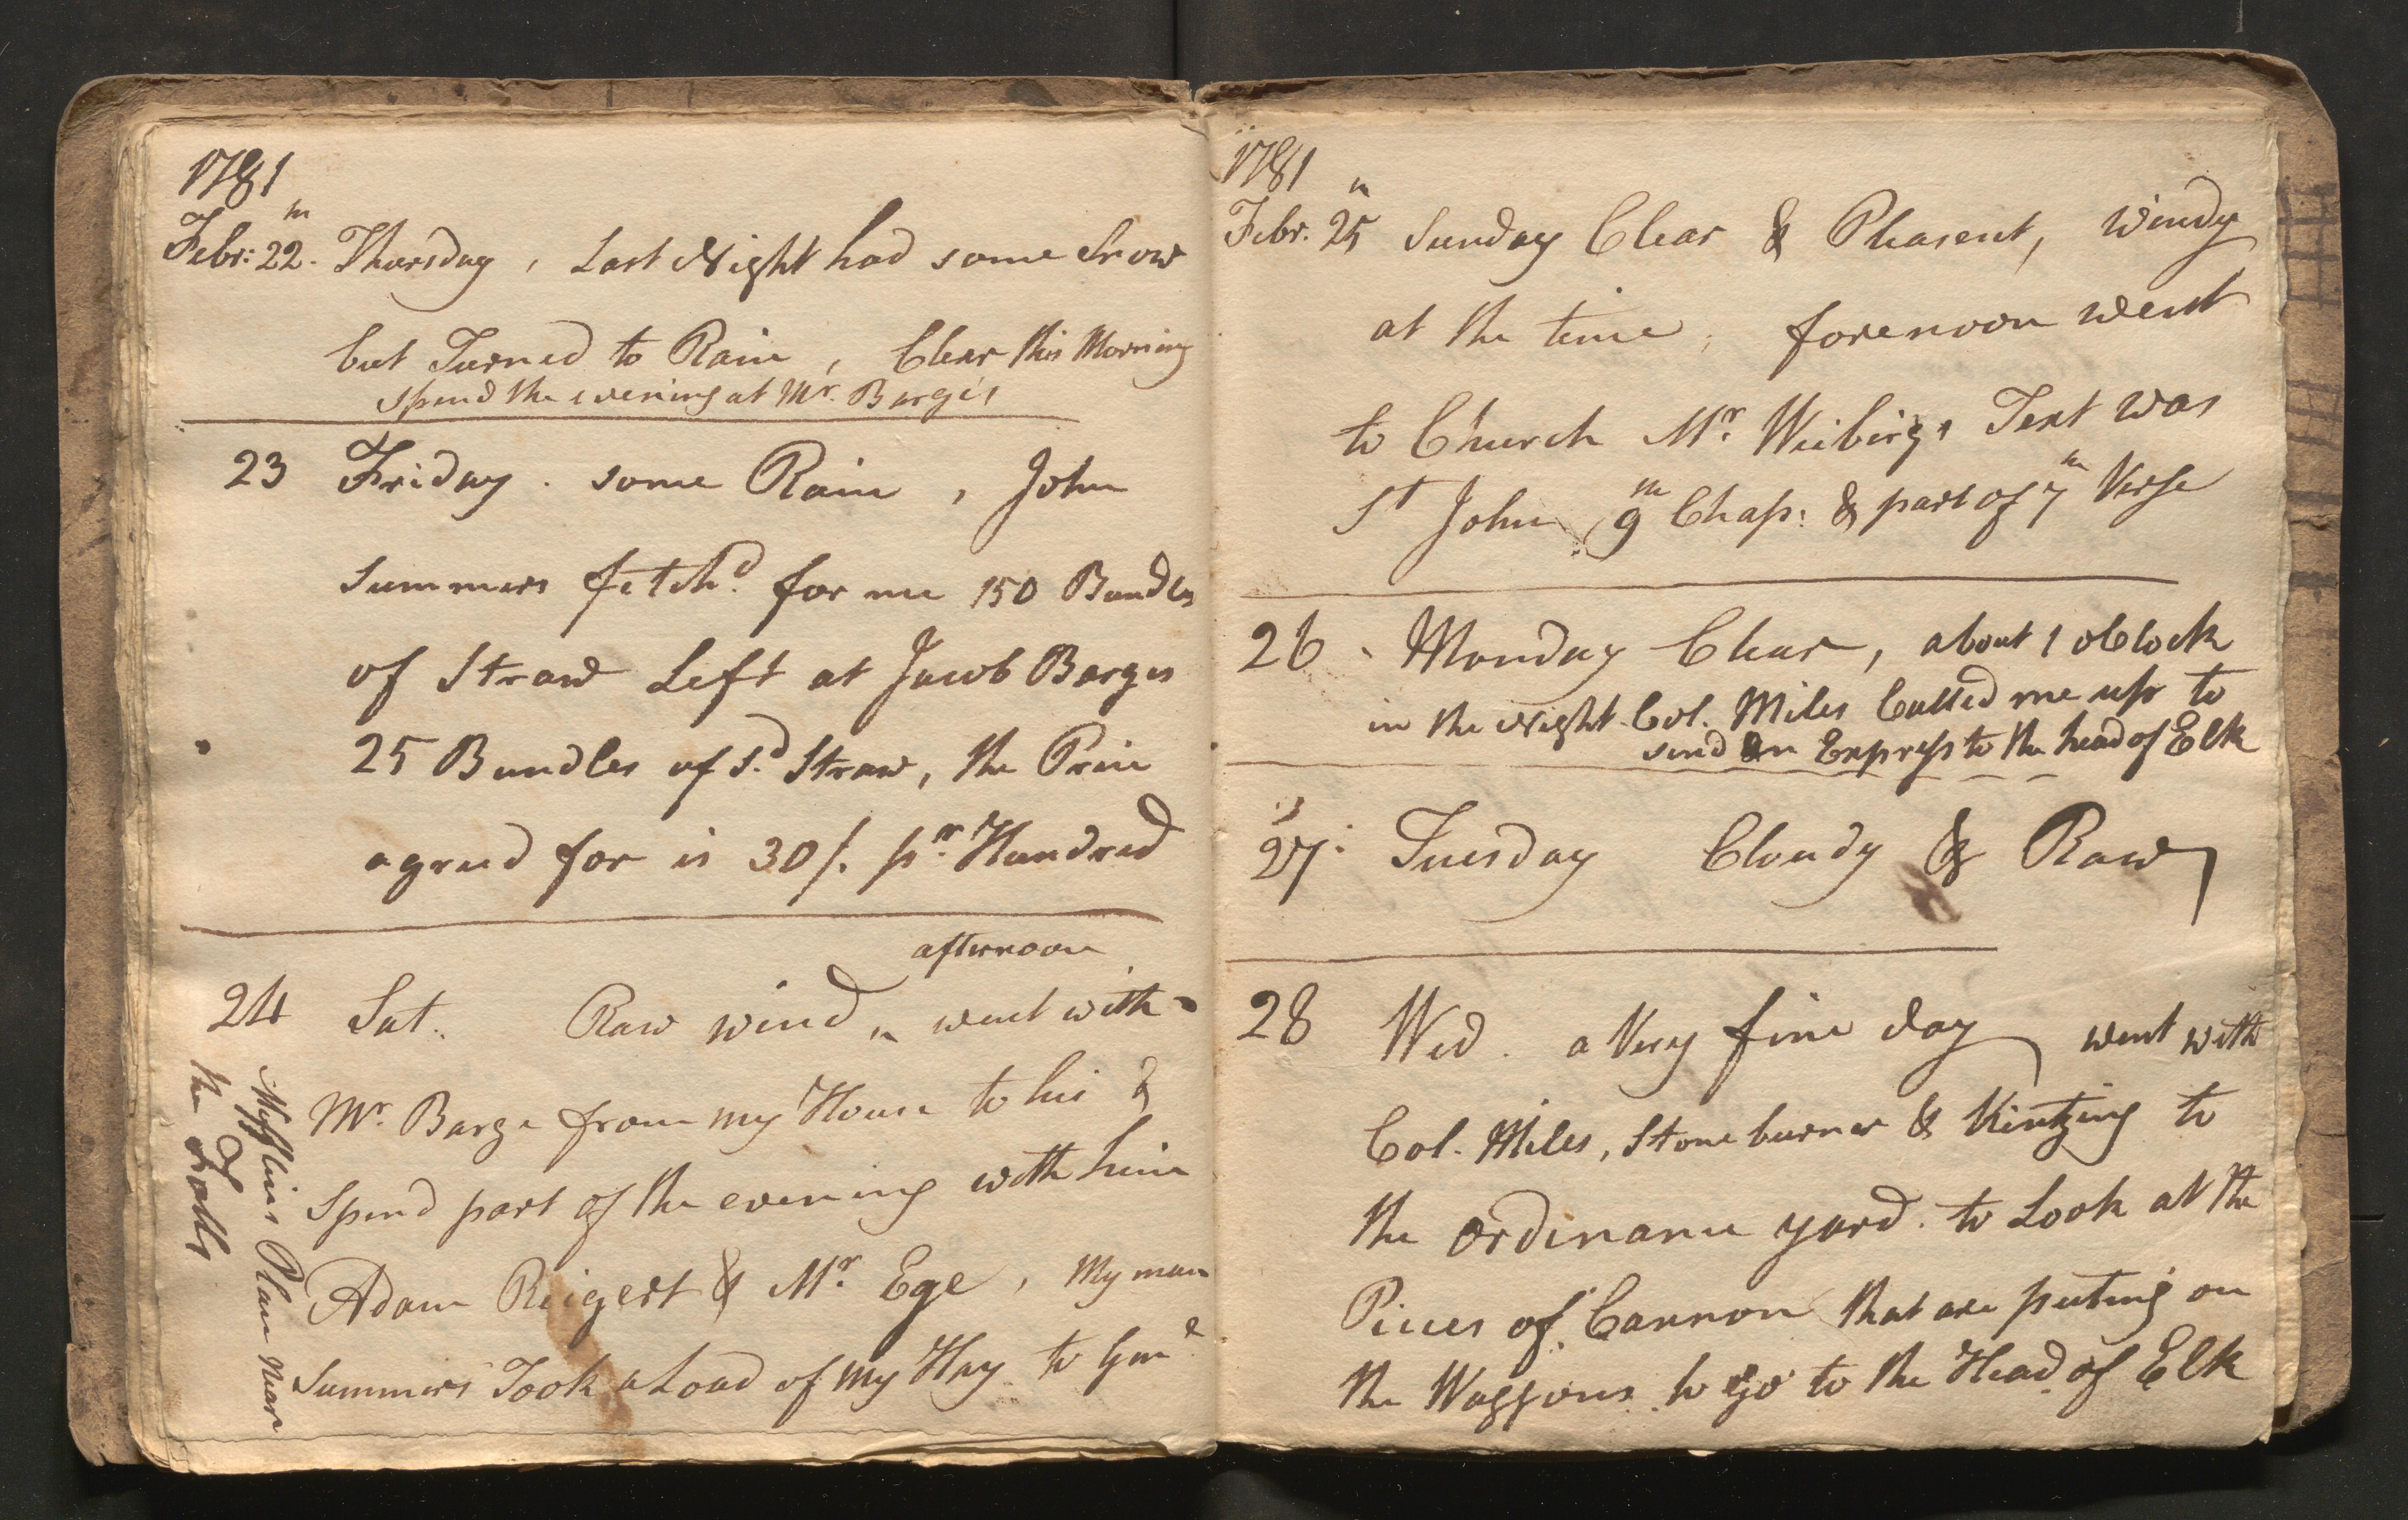1781
Febr: 22^th. Thursday, Last Night had some snow
but Turned to Rain, Clear this Morning
spend the evening at M^r. Barges
23 Friday. some Rain. John
Summers fetch^d. for me 150 Bundles
of Straw Left at Jacob Barges
25 Bundles of s^d. Straw, the Price
agreed for is 30s. p^r. Hundred
afternoon
24 Sat. Raw wind, went with
M^r. Barge from my House to his &
spend part of the evening with him
Adam Reigert & M^r. Ege, My man
Summers Took a Load of My Hay to Gen^l.
Wifflins Plan near
the Falls
1781
Febr. 25 Sunday Clear & Pleasent, Windy
at the time, forenoon went
to Church M^r. Weibergs Text was
S^t John 9^th Chap: & part of 7^th Verse
26. Monday Clear, about 1 oClock
in the Night Col. Miles Called me up to
send an Express to the head of Elk
27 Tuesday Cloudy & Raw
28 Wed. a Very fine day went with
Col. Miles, Stoneburner & Kintzing to
the ordinance yard. to Look at the
Pieces of Cannon that are puting on
the Waggons to go to the Head of Elk